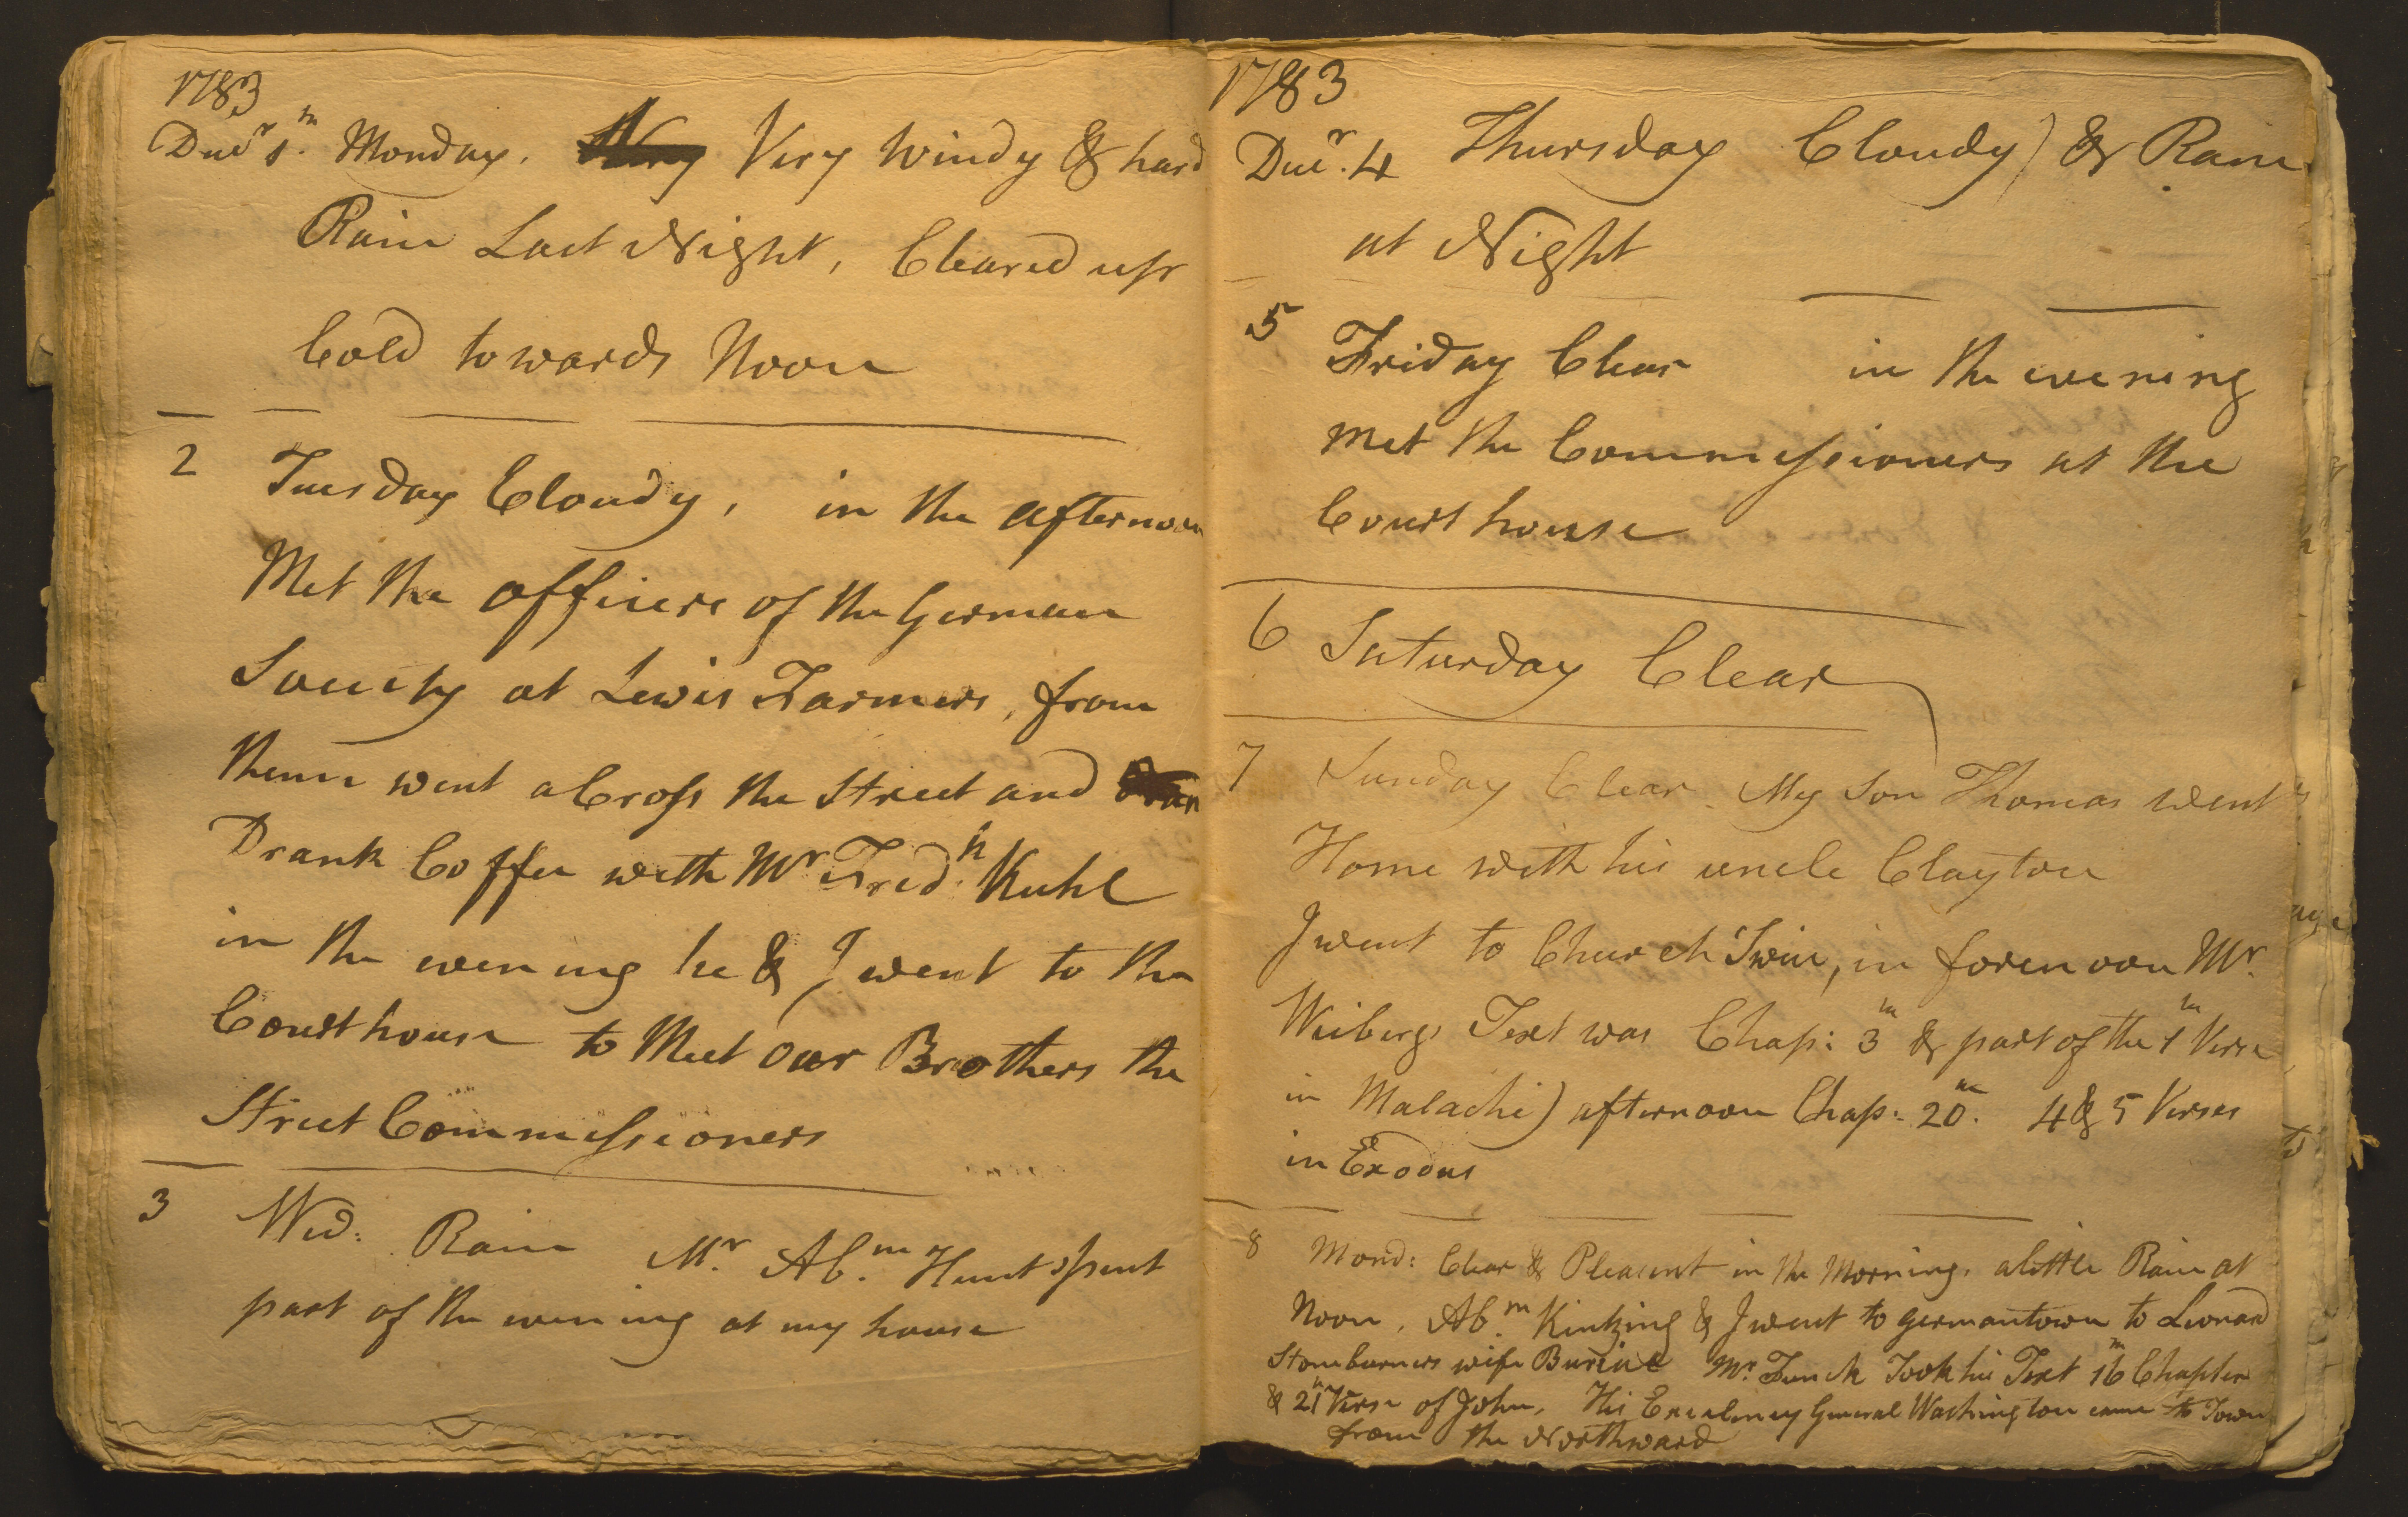1783
Dec^r 1^th. Monday, [____] Very Windy & hard
Rain Last Night, Cleared up
Cold towards Noon
2 Tuesday Cloudy, in the afternoon
Met the officers of the German
Society at Lewis Farmers, from
thence went a Cross the Street and [dran]
Drank Coffee with M^r. Fred^k. Kuhl
in the evening he & I went to the
Coutthour to Meet our Brothers the
Street Commissioners
Wed. Rain M^r. Ab^m. Hunt spent
part of the evening at my house
1783
Dece^r. 4
Thursday Cloudy & Raw
at Night
5
Friday Clear in the evening
met the Commissioners at the
Court house
6 Saturday Clear
Sunday Clear My Son Thomas went
Home with his uncle Clayton
I went to Church Twice, in forenoon M^r.
Weibergs Text was Chap: 3^th & part of the 1^th Verse
in Malachi) afternoon Chap. 20^th. 4 & 5 Verses
in Exodus
8 Mond. Clear & Pleasent in the Morning. a little Rain at
Noon, Ab^m. Kintzing & I went to germantown to Leonard
Stoneburners wife Burial M^r. Tunck Took his Text 16^th Chapter
& 21^th Verse of John, This Excellency General Washington came to Town
from the Northward